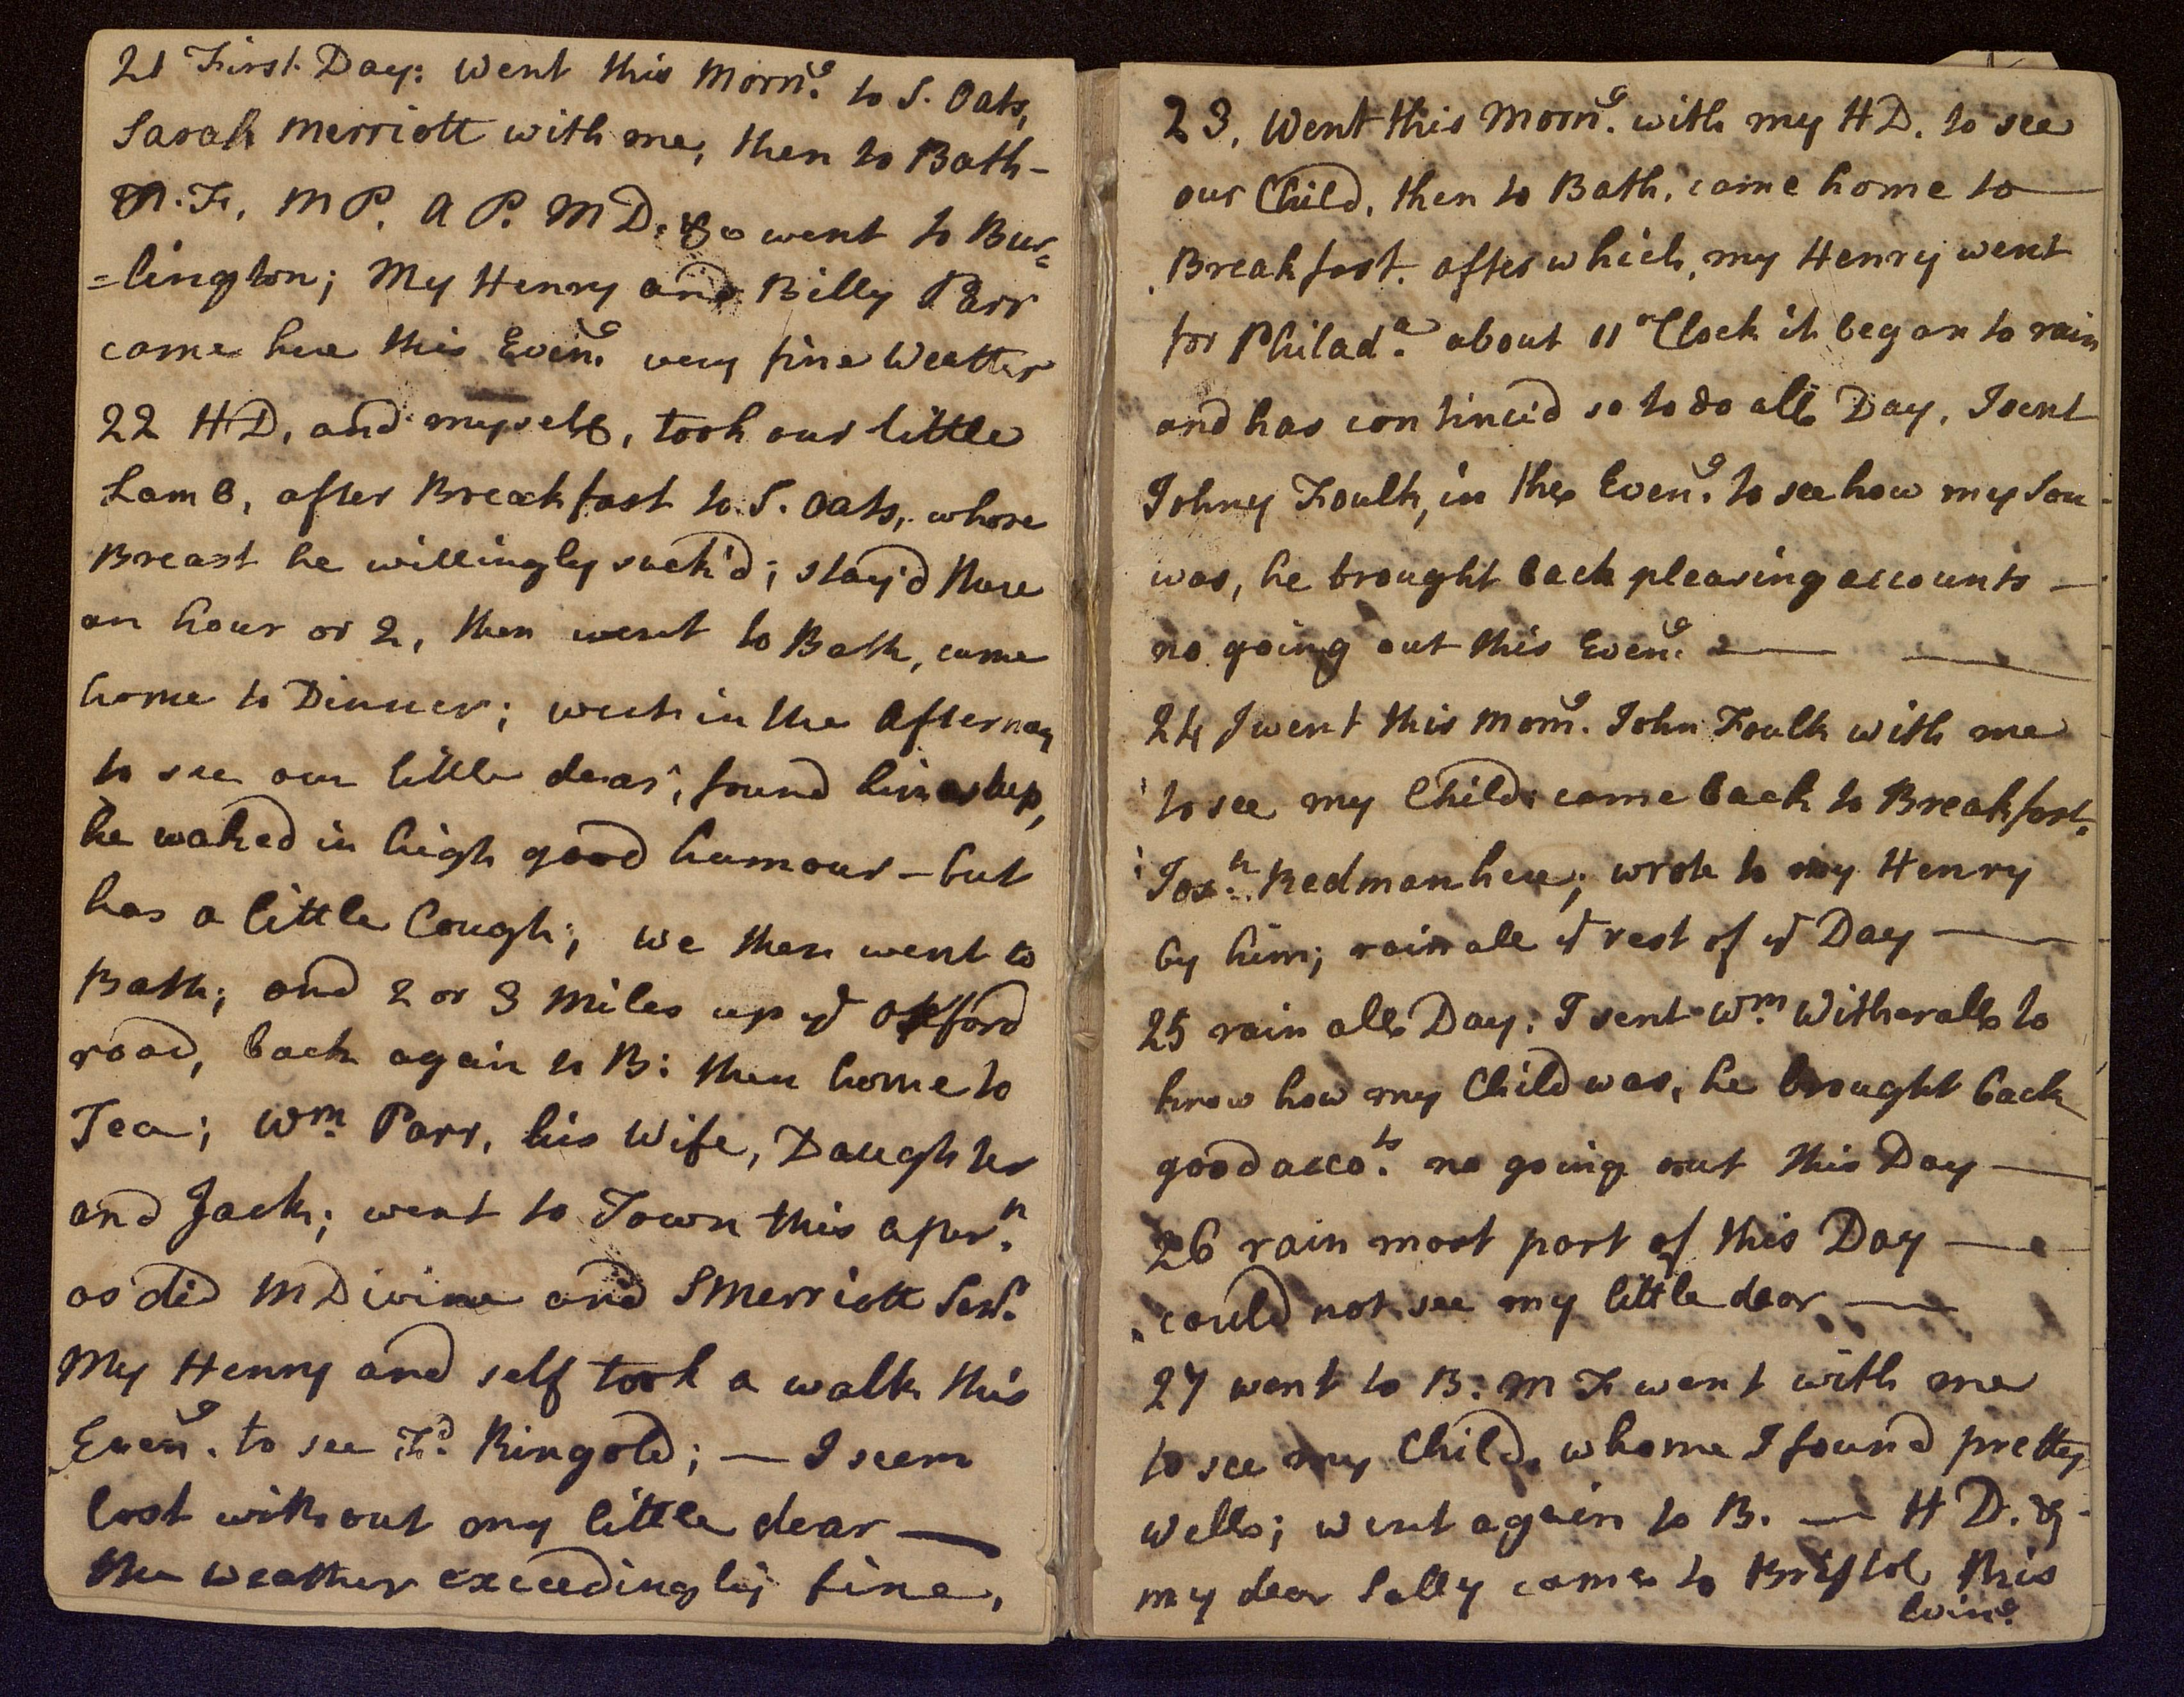21 First Day: went this Morn^g. to S. Oats,
Sarah Merriott with me, then to Bath-
T. F, MP, AP. MD, &c went to Bur-
-lington; My Henry and Billy Parr
came here this Even^g. very fine Weather
22 HD, and myself, took our little
Lamb, after Breakfast to S. Oats, whose
Breast he willingly suck'd; stay'd there
an hour or 2, then went to Bath, came
home to Dinner; went in the afternoon
to see our little dear, found him [asleep],
he waked in high good humour- but
has a little Cough; we then went to
Bath; and 2 or 3 miles up y^e Oxford
road, back again to B: then home to
Tea; W^m. Parr, his Wife, Daughter
and Jack; went to Town this after^n.
as did M Divine and S Merriott Sen^r.
My Henry and self took a walk this
Even^g. to see F^d. Ringold;- I seem
lost without my little dear -
the weather exceedingly fine.
23, went this morn^g. with my HD. to see
our Child, then to Bath, came home to
Breakfast. after which, my Henry went
for Philad^a. about 11 ^o Clock it began to rain
and has continu'd so to do all Day, I sent
Johny Foulk, in the Even^g. to see how my Son
was, he brought back pleasing accounts-
no going out this Even^g. -
24 I went this morn^g. John Foulk with me
to see my Child; came back to Breakfast,
Jos^h. Redman here; wrote to my Henry
by him, rain all y^e rest of y^e Day-
25 rain all Day. I sent w^m. Witherall to
know how my Child was, he brought back
good acco^ts. no going out this Day-
26 rain most part of this Day-
could not see my little dear-
27 went to B: MF went with me
to see my Child, whome I found pretty
well; went again to B.- HD. &
my dear Sally came to Bristol this
Even^g.